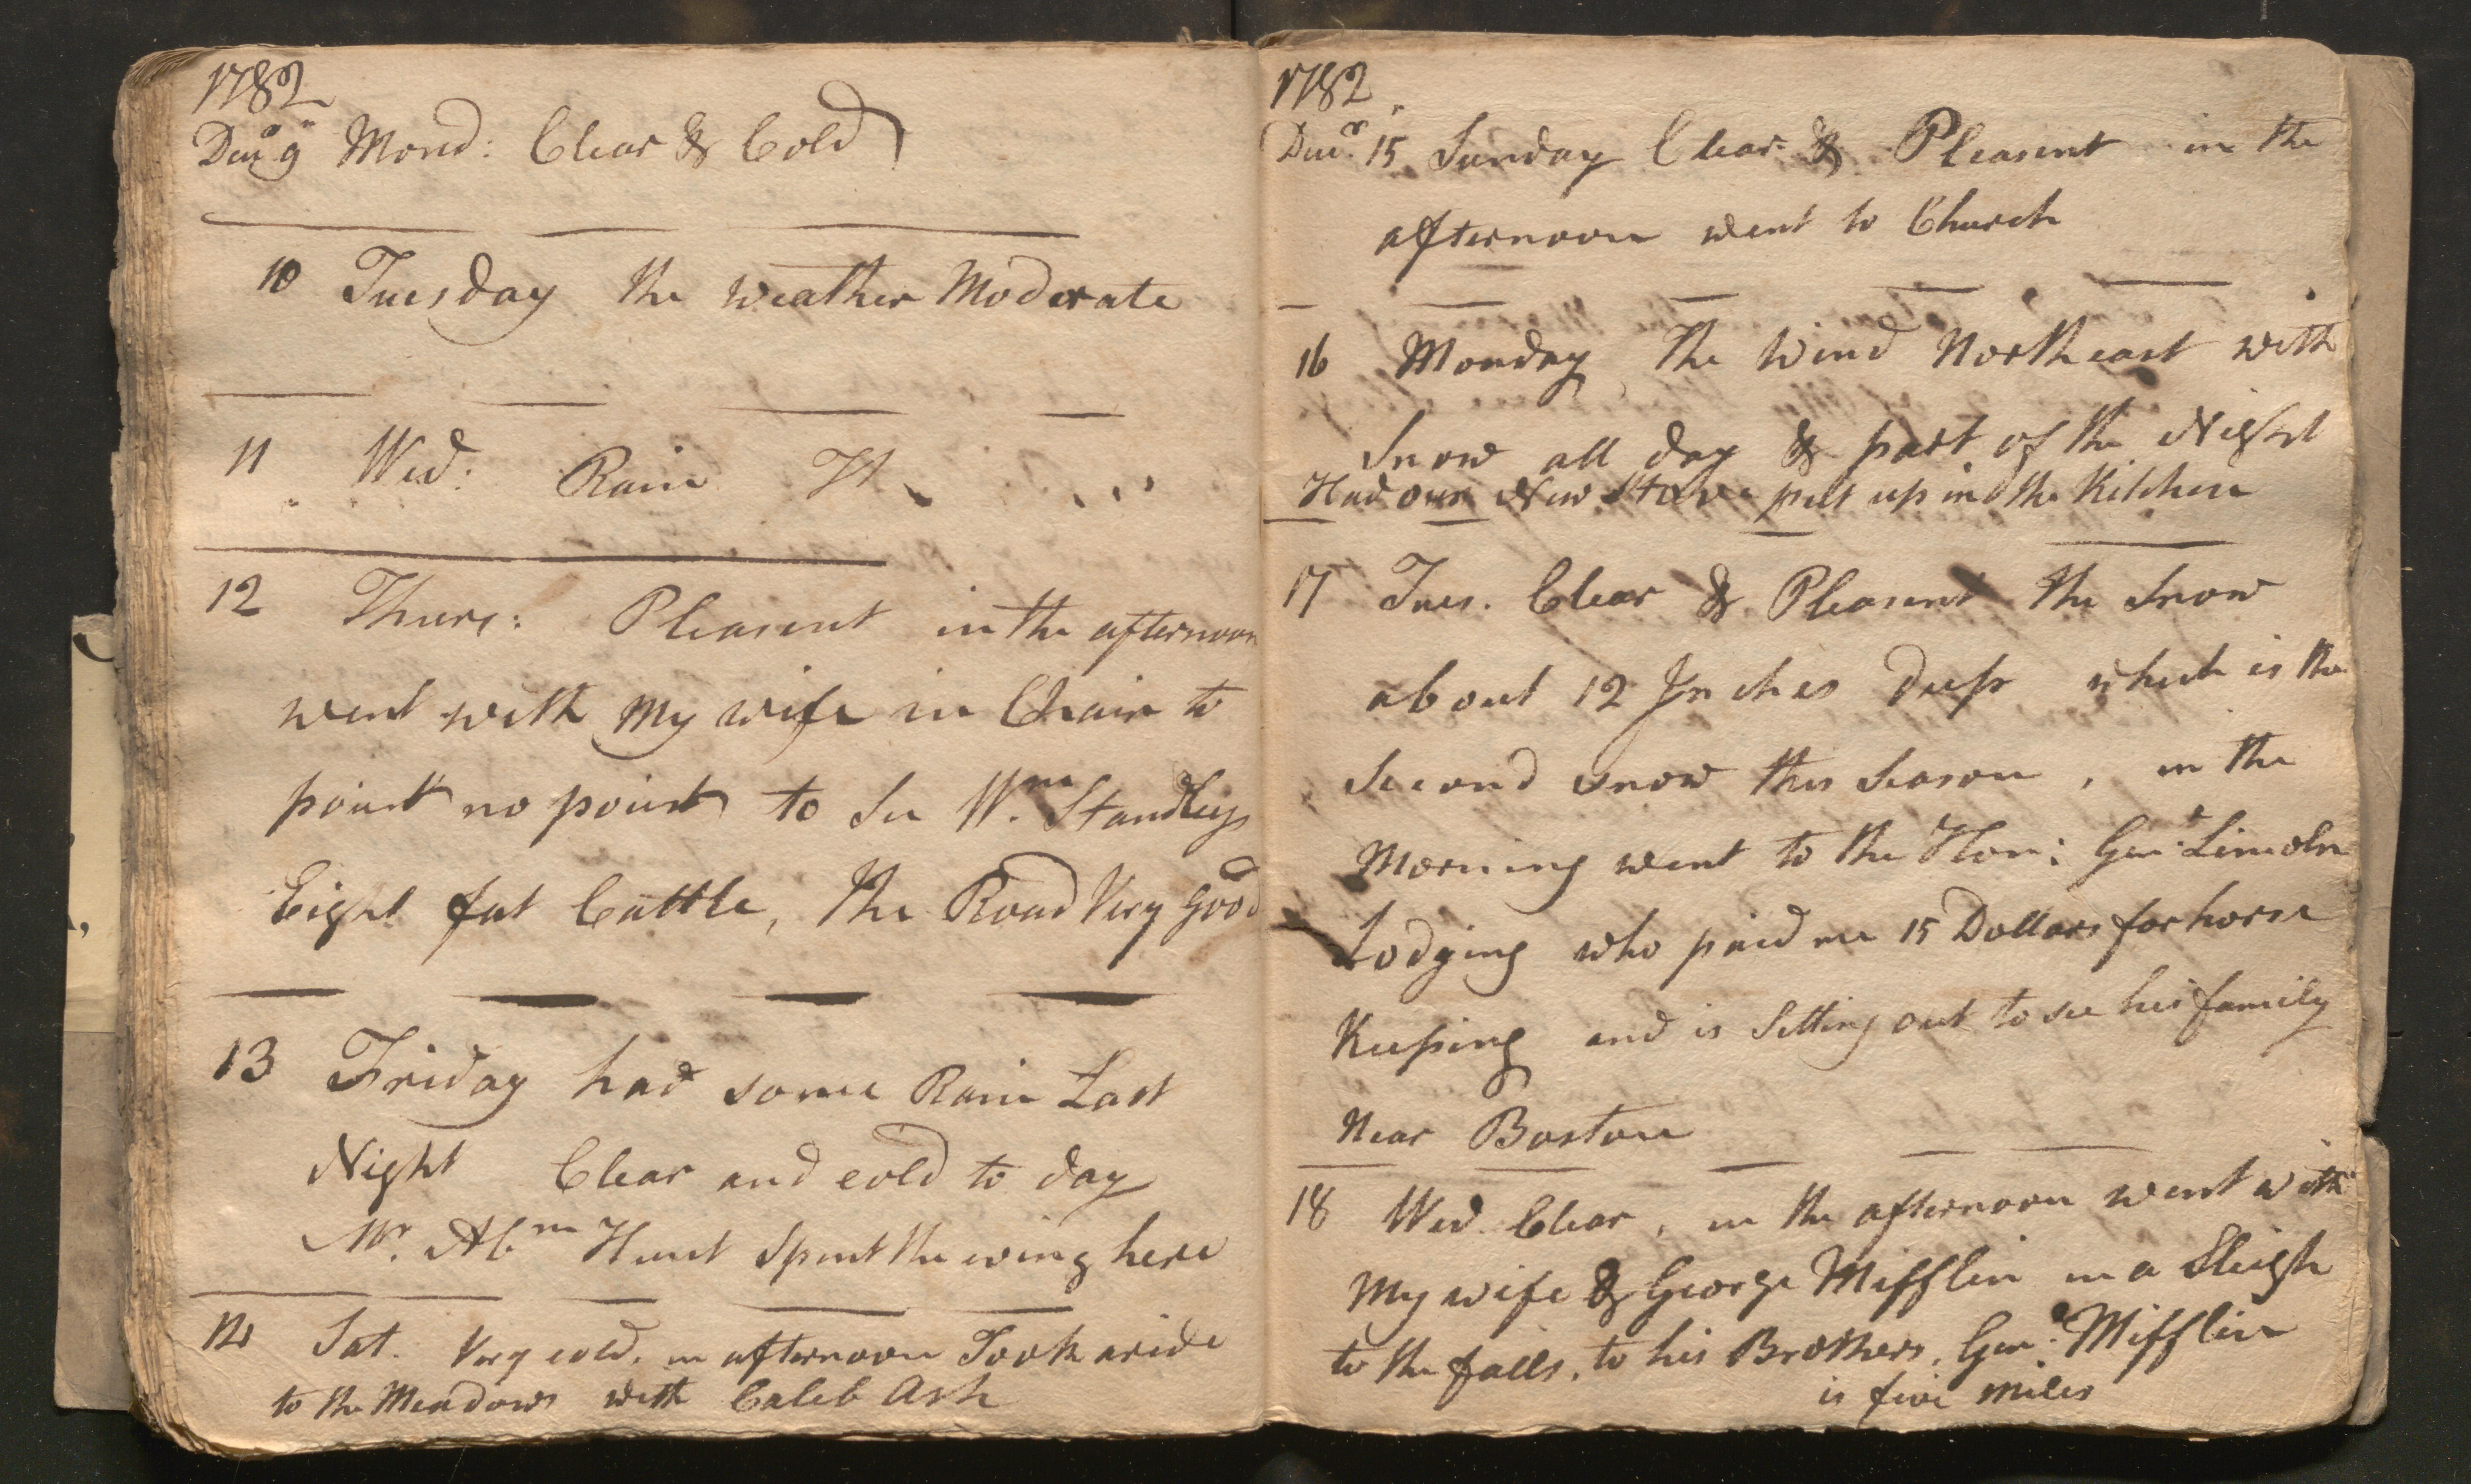1782
Dec^r. 9 Mond: Clear & Cold
10 Tuesday the Weather Moderate
11 Wed. Rain H
12 Thurs. Pleasent in the afternoon
went with My wife in Chair to
point no point to See W^m. Standbys
Eight fat Cattle. The Road Very Good
13 Friday had some Rain Last
Night Clear and cold to day
M^r. Ab^m Hunt spent the eving here
14 Sat. Very cold, in afternoon Took a ride
to the Meadows with Caleb Ash
1782
Dec^r. 15 Sunday Clear & Pleasent in the
afternoon went to Church
16 Monday the wind Northeast with
snow all day & part of the Night
Had our New Stove put up in the Kitchen
17 Tues. Clear &. Pleasent the Snow
about 12 Inches deep which is the
second snow this Season, in the
morning went to the Hon: Gen^l Lincoln
Lodging who paid me 15 Dollars for horse
Keeping and is Setting out to see his family
Hear Boston
18 Wed. Clear, in the afternoon went with
My wife & George Mifflin in a Sleigh
to the falls, to his Brothers. Gen^l. Mifflin
is five miles